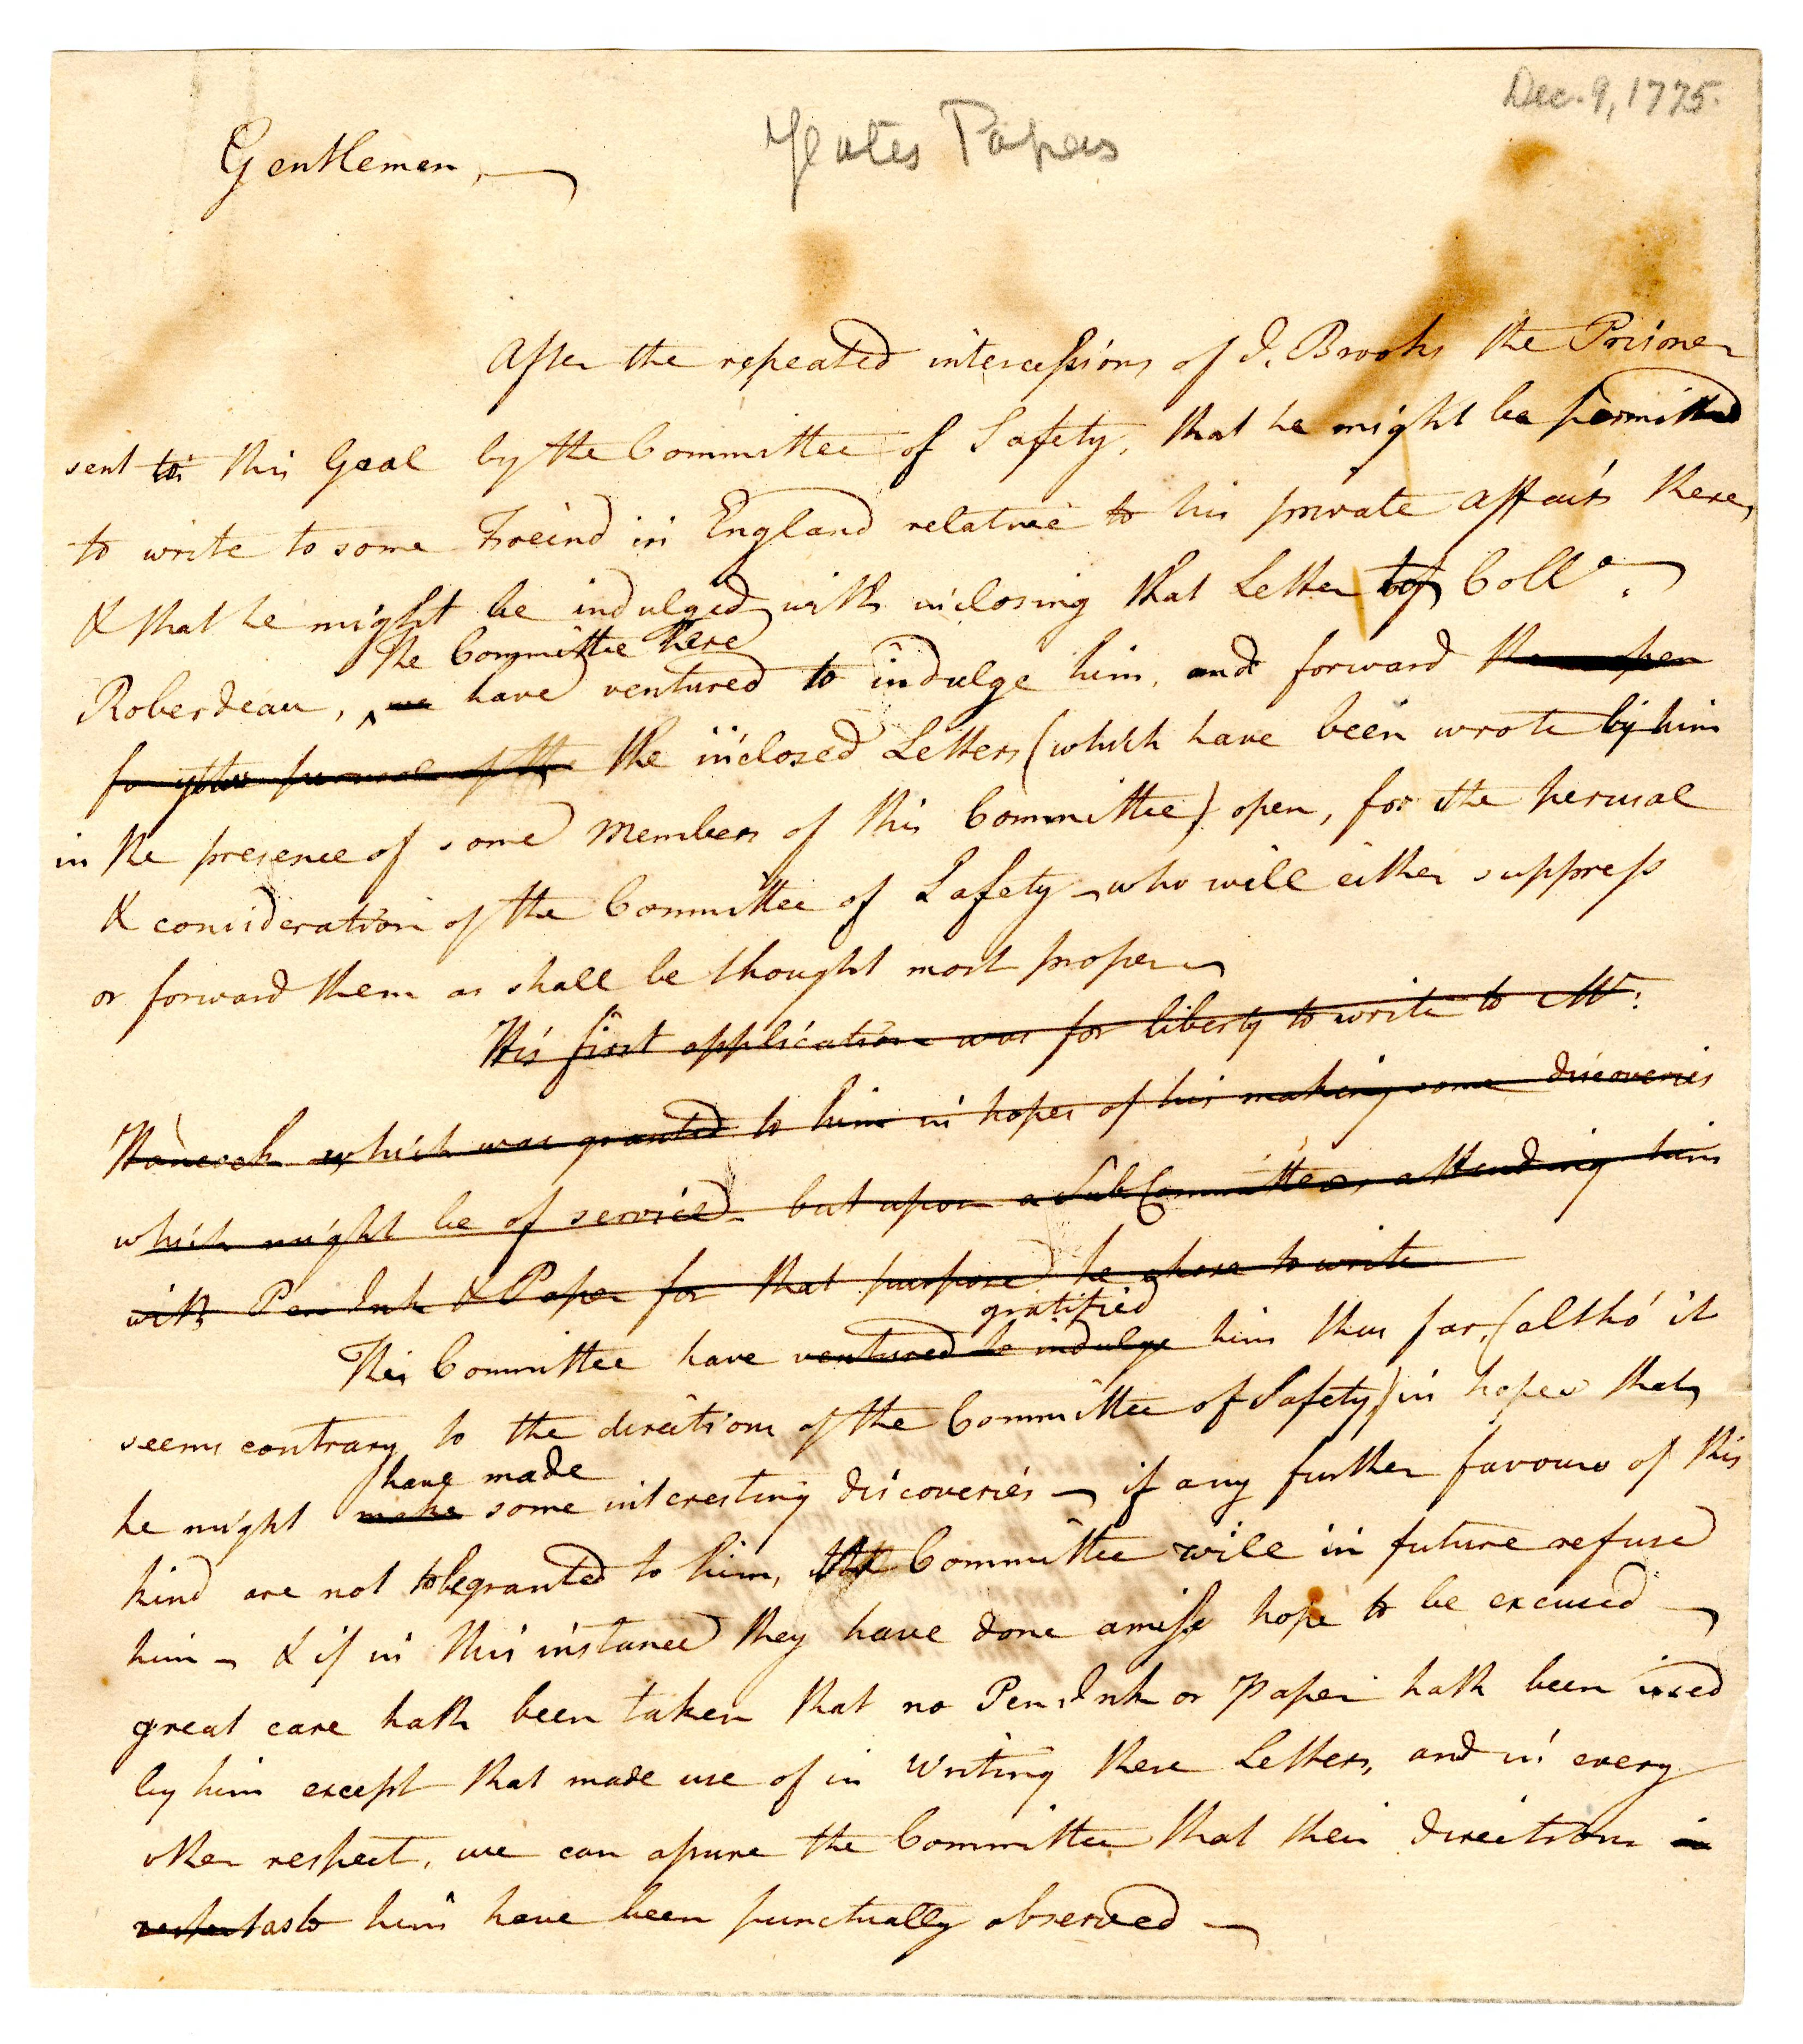Gentlemen
After the repeated intercessions of J. Brooks the Prisoner
sent to this Gaol by the Committee of Safety, that he might be permitted
to write to some Friend in England relative to his private affairs there
& that he might be indulged with inclosing that Letter to Coll^o.
Roberdeau, ^ we have ventured to indulge him, and forward [the pen]
The Committee here
[so you] [_______] [of the] inclosed Letters (which have been wrote by him
in the presence of some member of this Committee) open, for the perusal
& consideration of the Committee of Safety, who will either suppress
or forward them as shall be thought most proper.
[This first application was for liberty to write to M^r:]
[Nansch which was granted to him in hopes of his making some discoveries]
[which might be of service, but upon a Sub-Committee attending him]
[with Pen Ink & Paper for that purpose, he chose to write]
gratified
This Committee have [ventured to indulge] him thus far (altho' it
seems contrary to the direction of the Committee of Safety) in hopes that
have made
he might [make] some interesting discoveries, if any further favours of this
kind are not to be granted to him, the Committee will in future refuse
him, & if in this instance they have done amiss hope to be excused.
great care hath been taken that no Pen, Ink or paper hath been used
by him except that made use of in Writing these letters, and in every
other respect, we can assure the Committee that then Directions [in]
[respect] ask to him have been punctually observed-